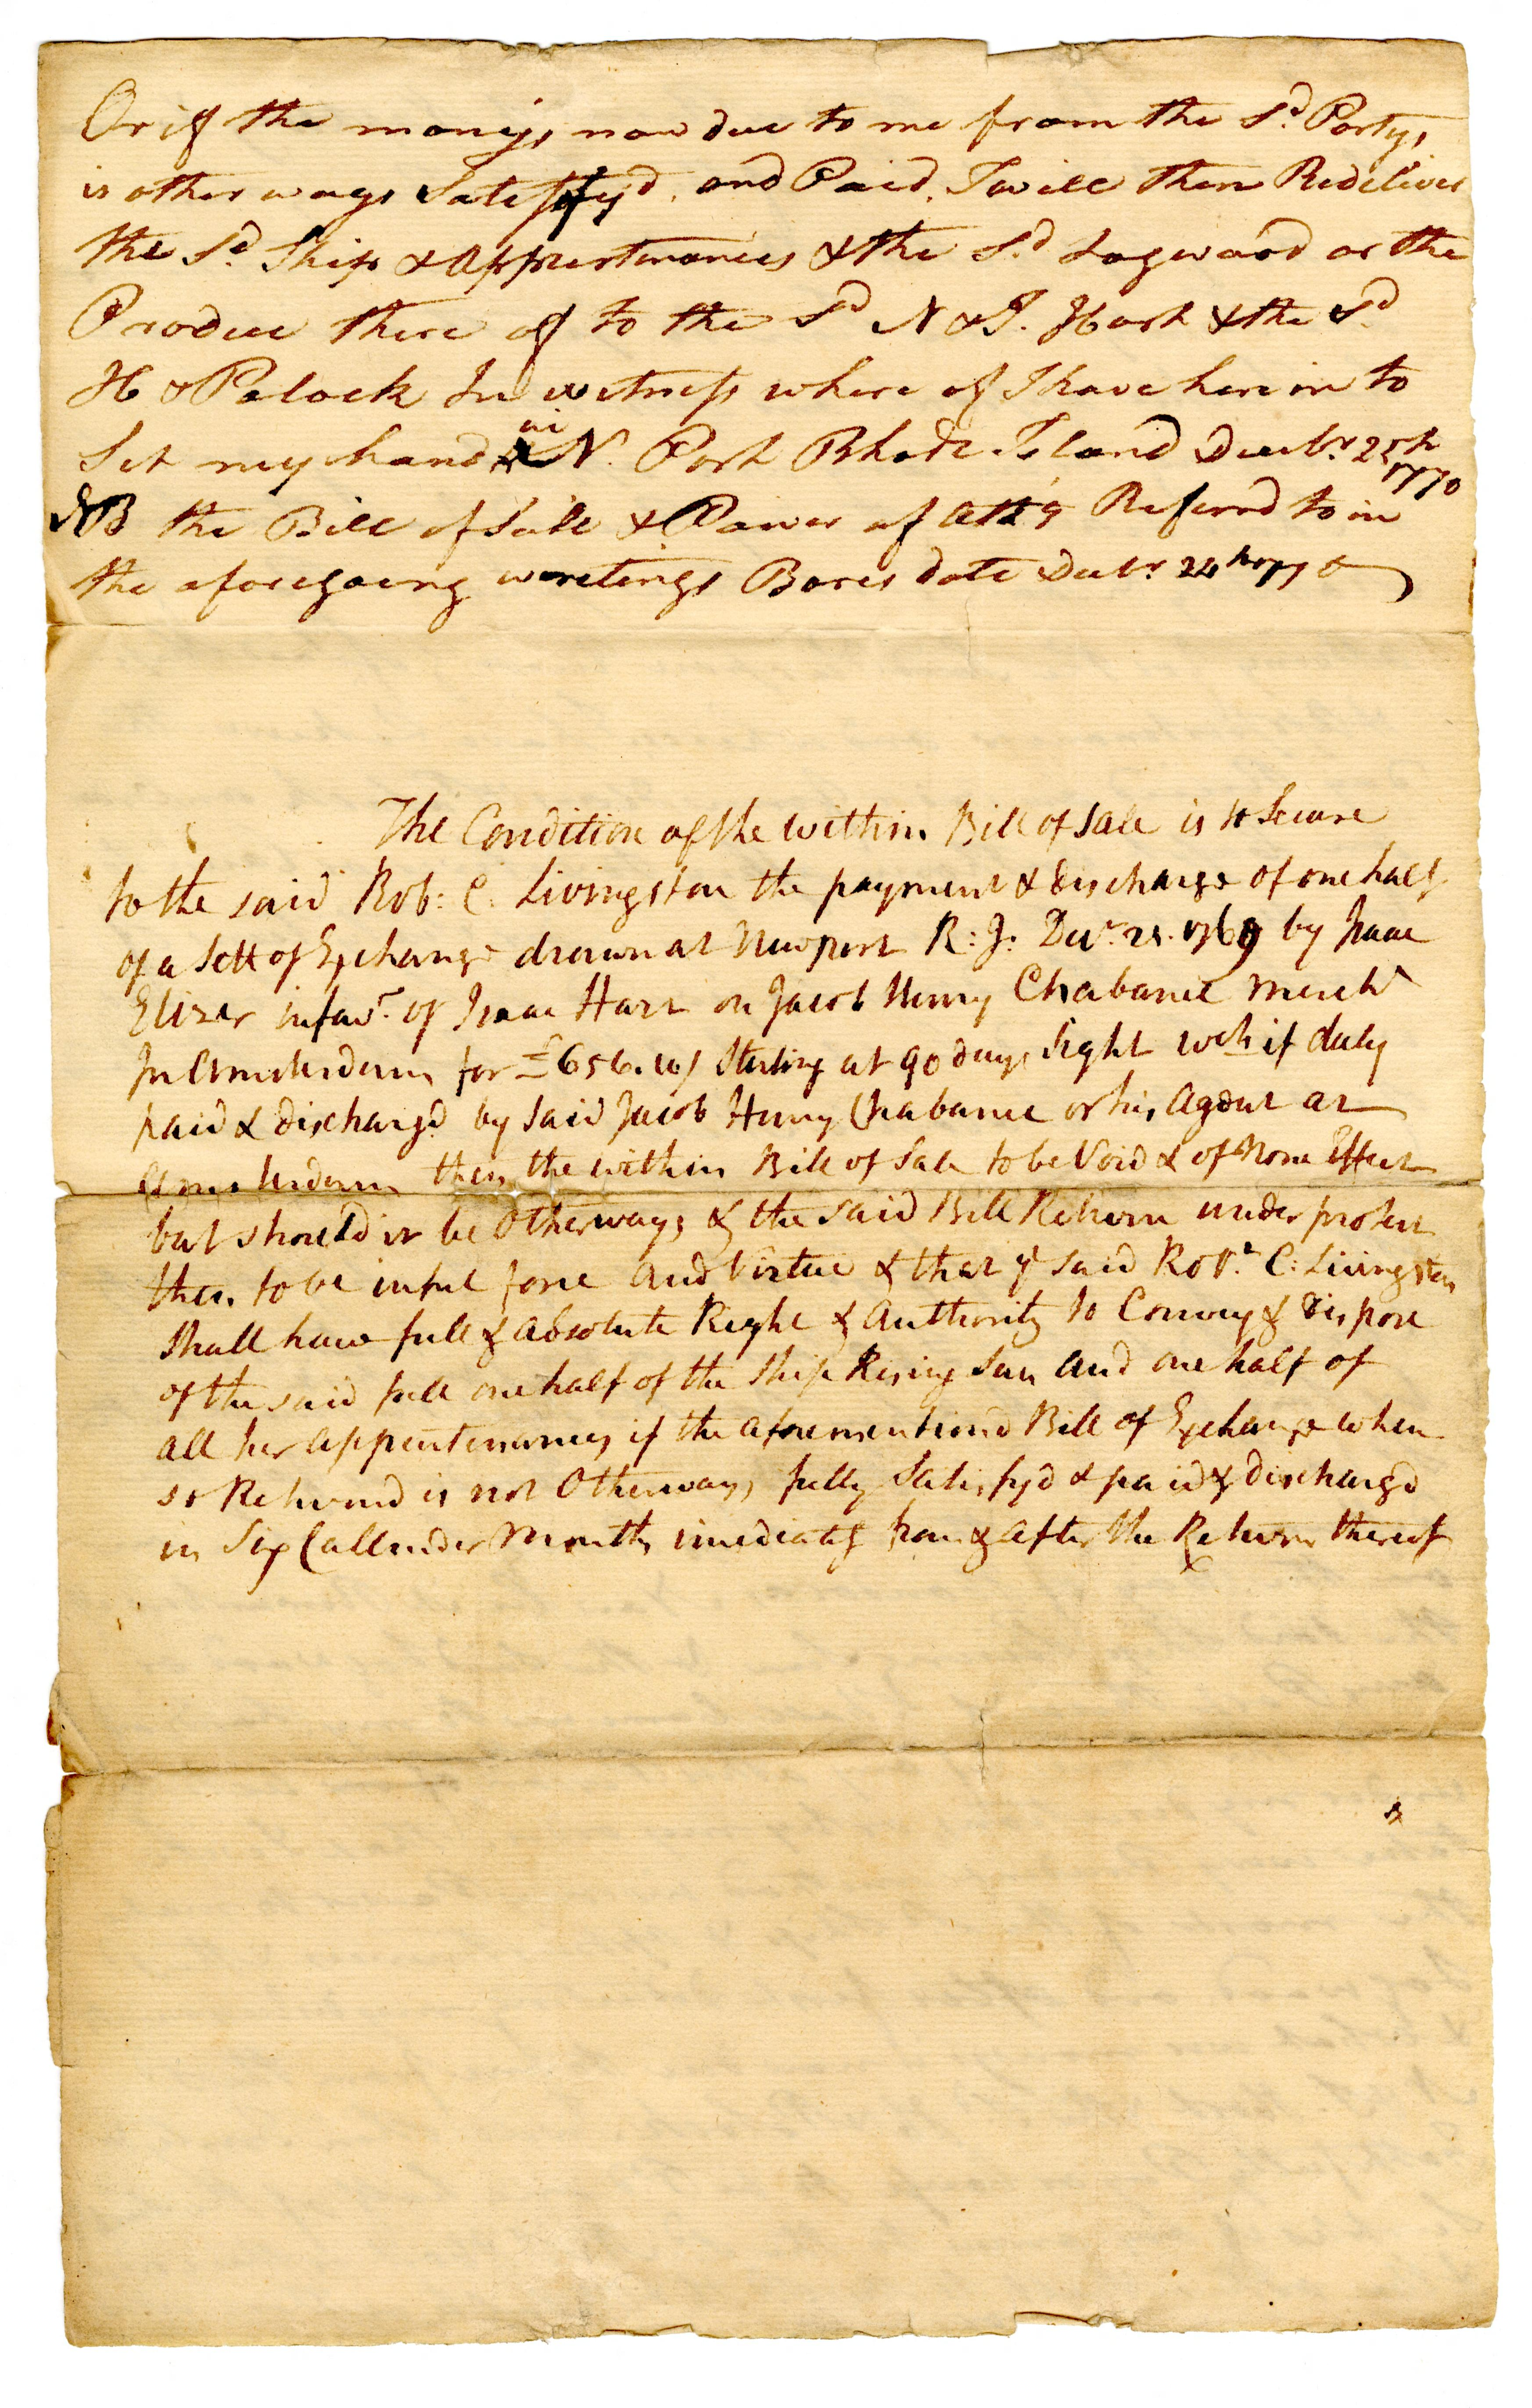Or if the moneys now due to me from the s^d. Partys
is other ways Satissfy'd, and Paid, I will then Redeliver
the s^d. Ships & appurtenances & the s^d. Logwood or the
Produce there of to the S^d N & I Hart & the s^d
H & Palock In witness where of I have here in to
set my hand in N. Port Rhode Island Dec^br 25^th
NB the Bill of sale & power of att^y Referrd to in
1770
the aforgoing writings bores date Decb^r 24^th 1778
The Condition of the within Bill of Sale is to secure
to the said Rob. C Livingston the payment & Exchange of one half
of a sett of Exchanges down at Newport R: I: Dec^r. 25. 1769 by Isaac
Elizer in fav^r. of Isaac Hart on Jacob many Chabanel merch^t
in Amsterdam for £656.10s Sterling at 90 days Sight w^ch if duly
paid & discharg'd by said Jacob Henry Chabanel or his Agent as
Amsterdam then the within Bill of sale to be Void & of None Effet
but should in be the way, & the said Bill Return, made protect
ther to be in ful force and Virtue of that y^e said Rob^t. C. Livingston
shall have full & absolute Right & Authority to Convey & dispose
of the said full one half of the ships Rising sun and one half of
all her appurtenances if the aforementioned Bill of sale & when
so Releived is not Other ways, fully Satisfy'd & paid & discharg'd
in seg Callender Month immediate have & after the Return thereof